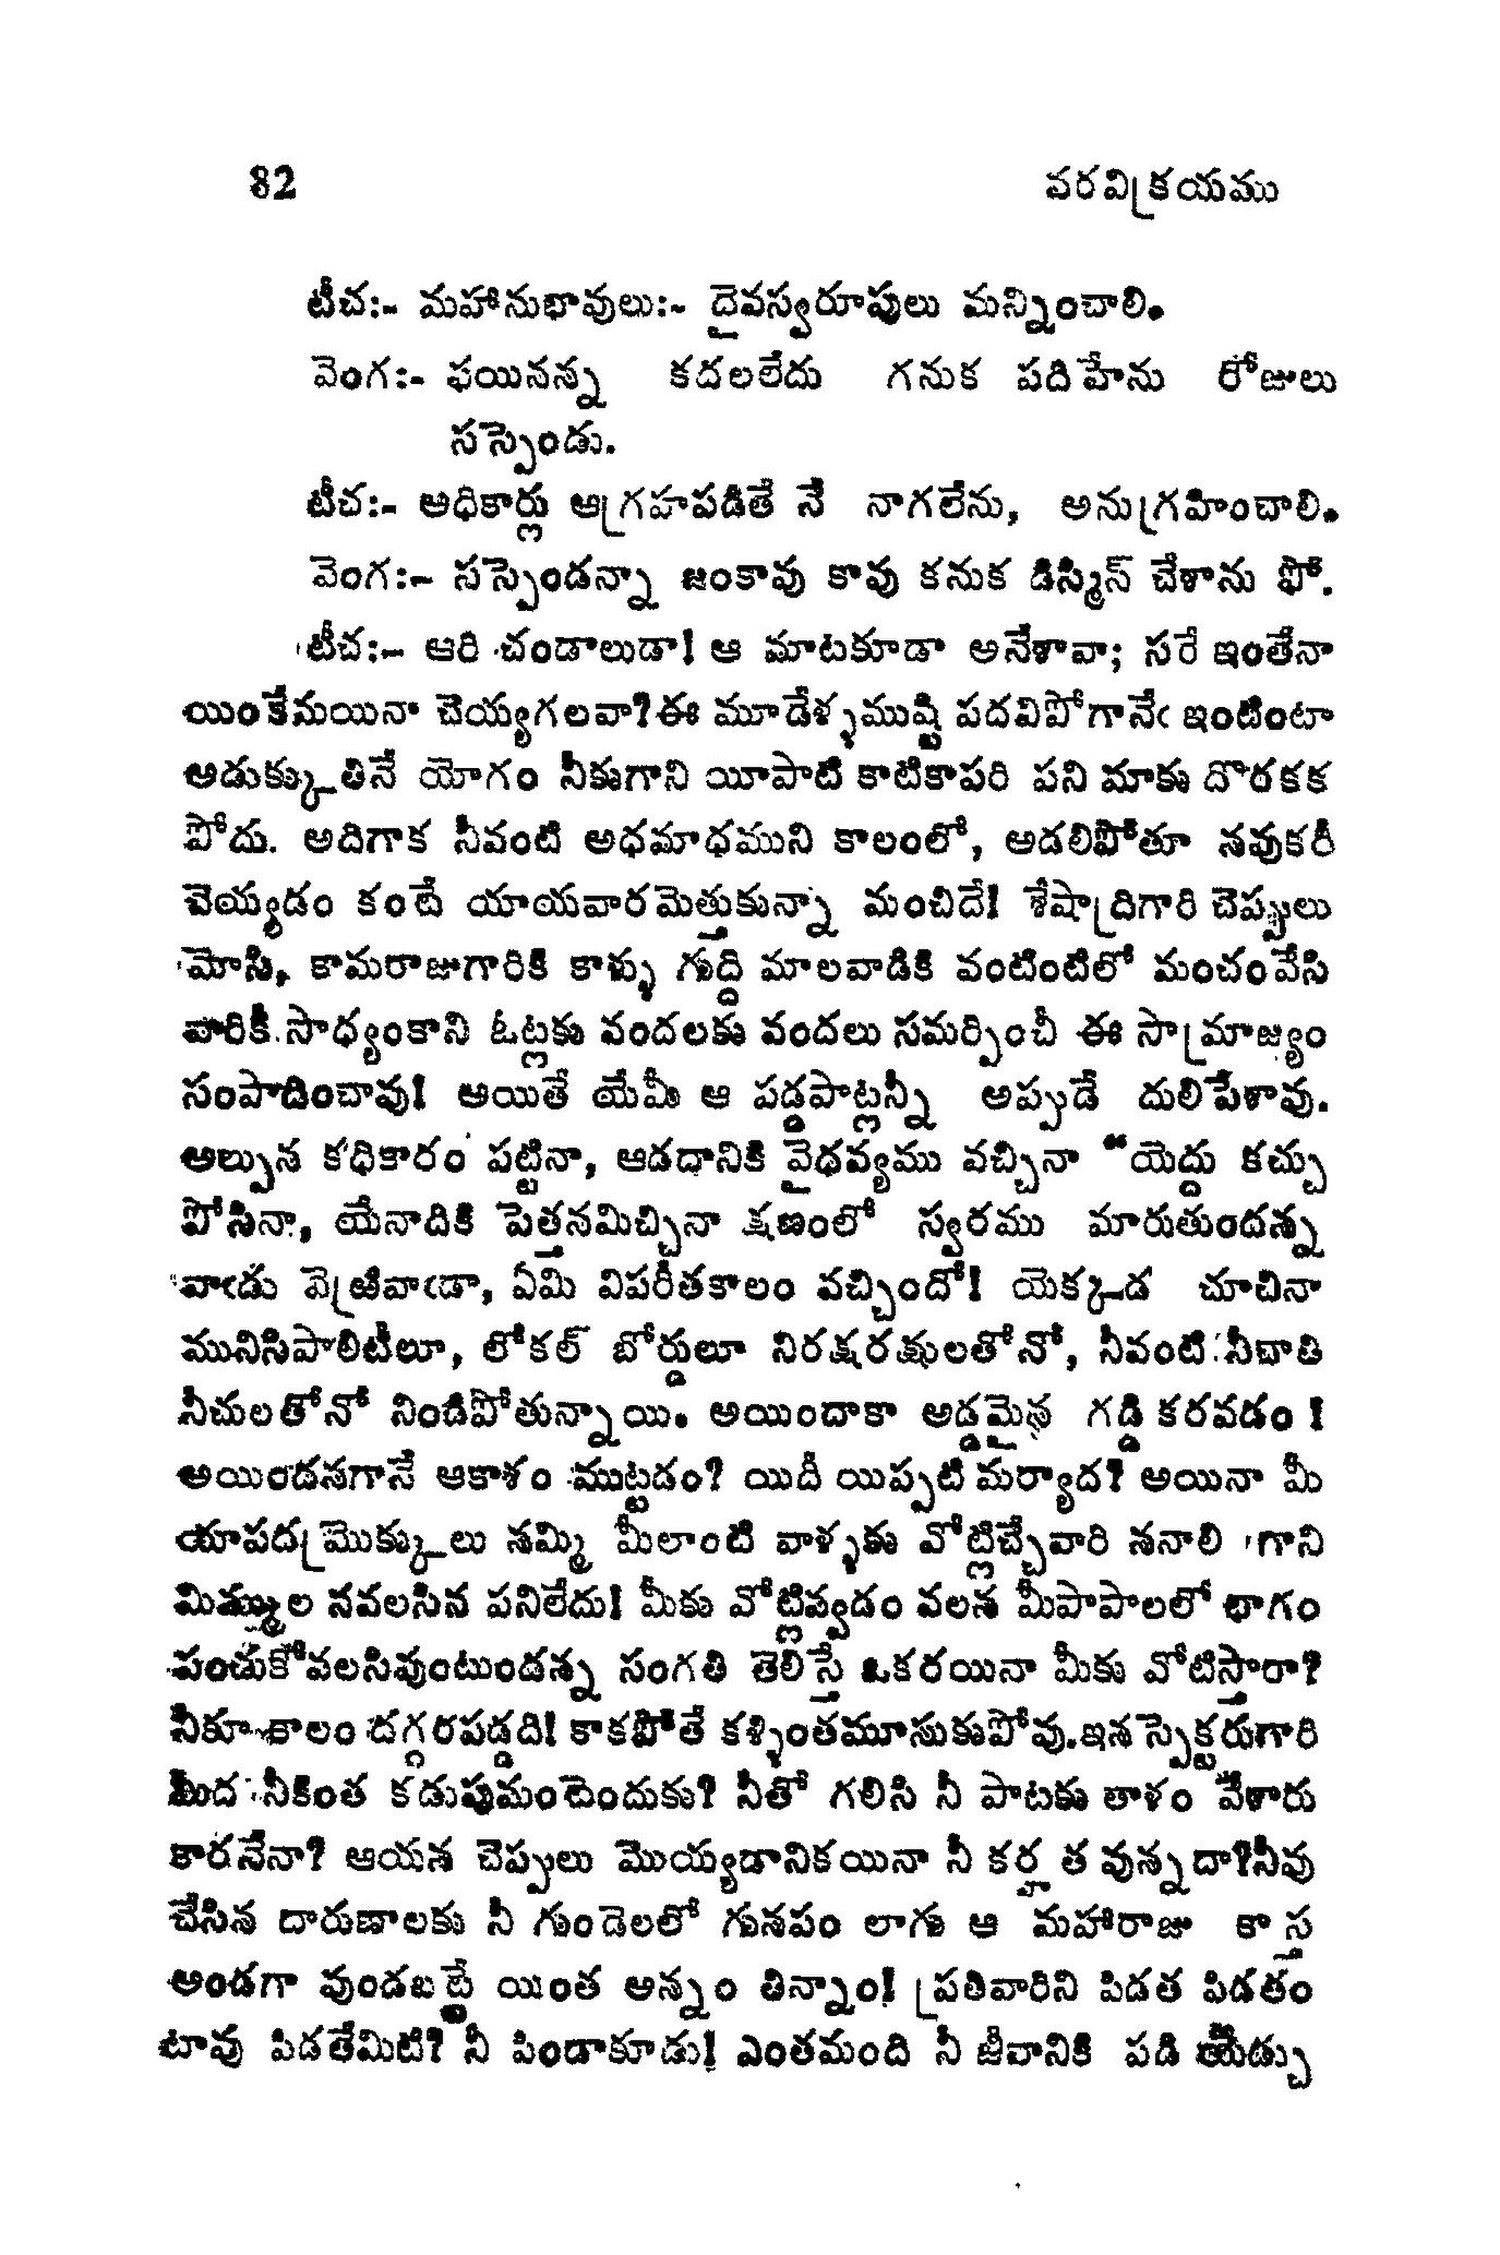టీచ :- మహానుభావులు:- దైవస్వరూపులు మన్నించాలి.

వెంగ :- ఫయినన్నా కదల్లేదు గనుక పదిహేను రోజులు సస్పెండు.

టీచ :- అధికార్లు ఆగ్రహపడితే నే నాగలేను. అనుగ్రహించాలి.

వెంగ :- సస్పెండన్నా జంకావు కావు కనుక డిస్మిస్‌ చేశాను ఫో.

టీచ :- ఆరి ఛండాలుడా! ఆ మాటకూడా అనేశావా; సరే ఇంతేనా యింకేమయినా చెయ్యగలవా? ఈ మూడేళ్ళముష్టి పదివిపోగానేఁ ఇంటింటా అడుక్కుతినే యోగం నీకుగాని యీపాటి కాటికాపరి పని మాకు దొరకకపోదు. అదిగాక నీవంటి అధమాధముని కాలంలో, అడలిపోతూ నవుకరీ చెయ్యడం కంటే యాయవార మెత్తుకున్నా మంచిదే. శేషాద్రిగారి చెప్పులుమోసి, కామరాజుగారికి కాళ్ళు గుద్ది మాలవాడికి వంటింటిలో మంచంవేసి వారికీ సాధ్యంకాని ఓట్లకు వందలకు వందలు సమర్పించీ, ఈ సామ్రాజ్యం సంపాదించావు! అయితే యేమీ ఆ పడ్డపాట్లన్నీ అప్పుడే దులిపేశావు! అల్పున కధికారం పట్టినా, ఆడదానికి వైధవ్యము వచ్చినా "యెద్దు కచ్చుపోసినా, యేనాదికి పెత్తనమిచ్చినా, క్షణంలో స్వరం మారుతుందన్న వాఁడు వెఱ్ఱివాఁడా! ఏమి విపరీతకాలం వచ్చిందో! యెక్కడ చూచినా మునిసిపాలిటీలూ, లోకల్ బోర్డులూ, నిరక్షరక్షులతోనో, నీవంటి నీచాతినీచులతోనో నిండిపోతున్నాయి! అయిందాకా, అడ్డమైన గడ్డి కరవడం! అయిందనగానే, ఆకాశం ముట్టడం! యిదీ యిప్పటి మర్యాద! అయినా, మీ యాపదమ్రొక్కులు నమ్మి మీలాంటి వాళ్ళకు వోట్లిచ్చేవారి ననాలి గాని మిమ్ముల నవలసిన పనిలేదు! మీకు వోట్లివ్వడం వలన మీపాపాలలో భాగం పంచుకోవలసివుంటుందన్న సంగతి తెలిస్తే ఒకరయినా మీకు వోటిస్తారా? నీకూ కాలం దగ్గిర పడ్డది! కాకపోతే, కళ్ళింత మూసుకుపోవు! ఇనస్పెక్టరుగారిమీద నీకింత కడుపుమంటెందుకు? నీతో గలిసి నీ పాటకు తాళం వేశారు కారనేనా? ఆయన చెప్పులు మొయ్యడానికయినా నీ కర్హత వున్నదా? నీవు చేసిన దారుణాలకు, నీ గుండెలలో గునపం లాగు ఆ మహారాజు కాస్త అండగా వుండబట్టే, యింత అన్నం తిన్నాం! ప్రతివారిని పిడత పిడతంటావు! పిడతేమిటి? నీ పిండాకూడు! ఎంతమంది నీ జీవానికి పడి యేడ్చు